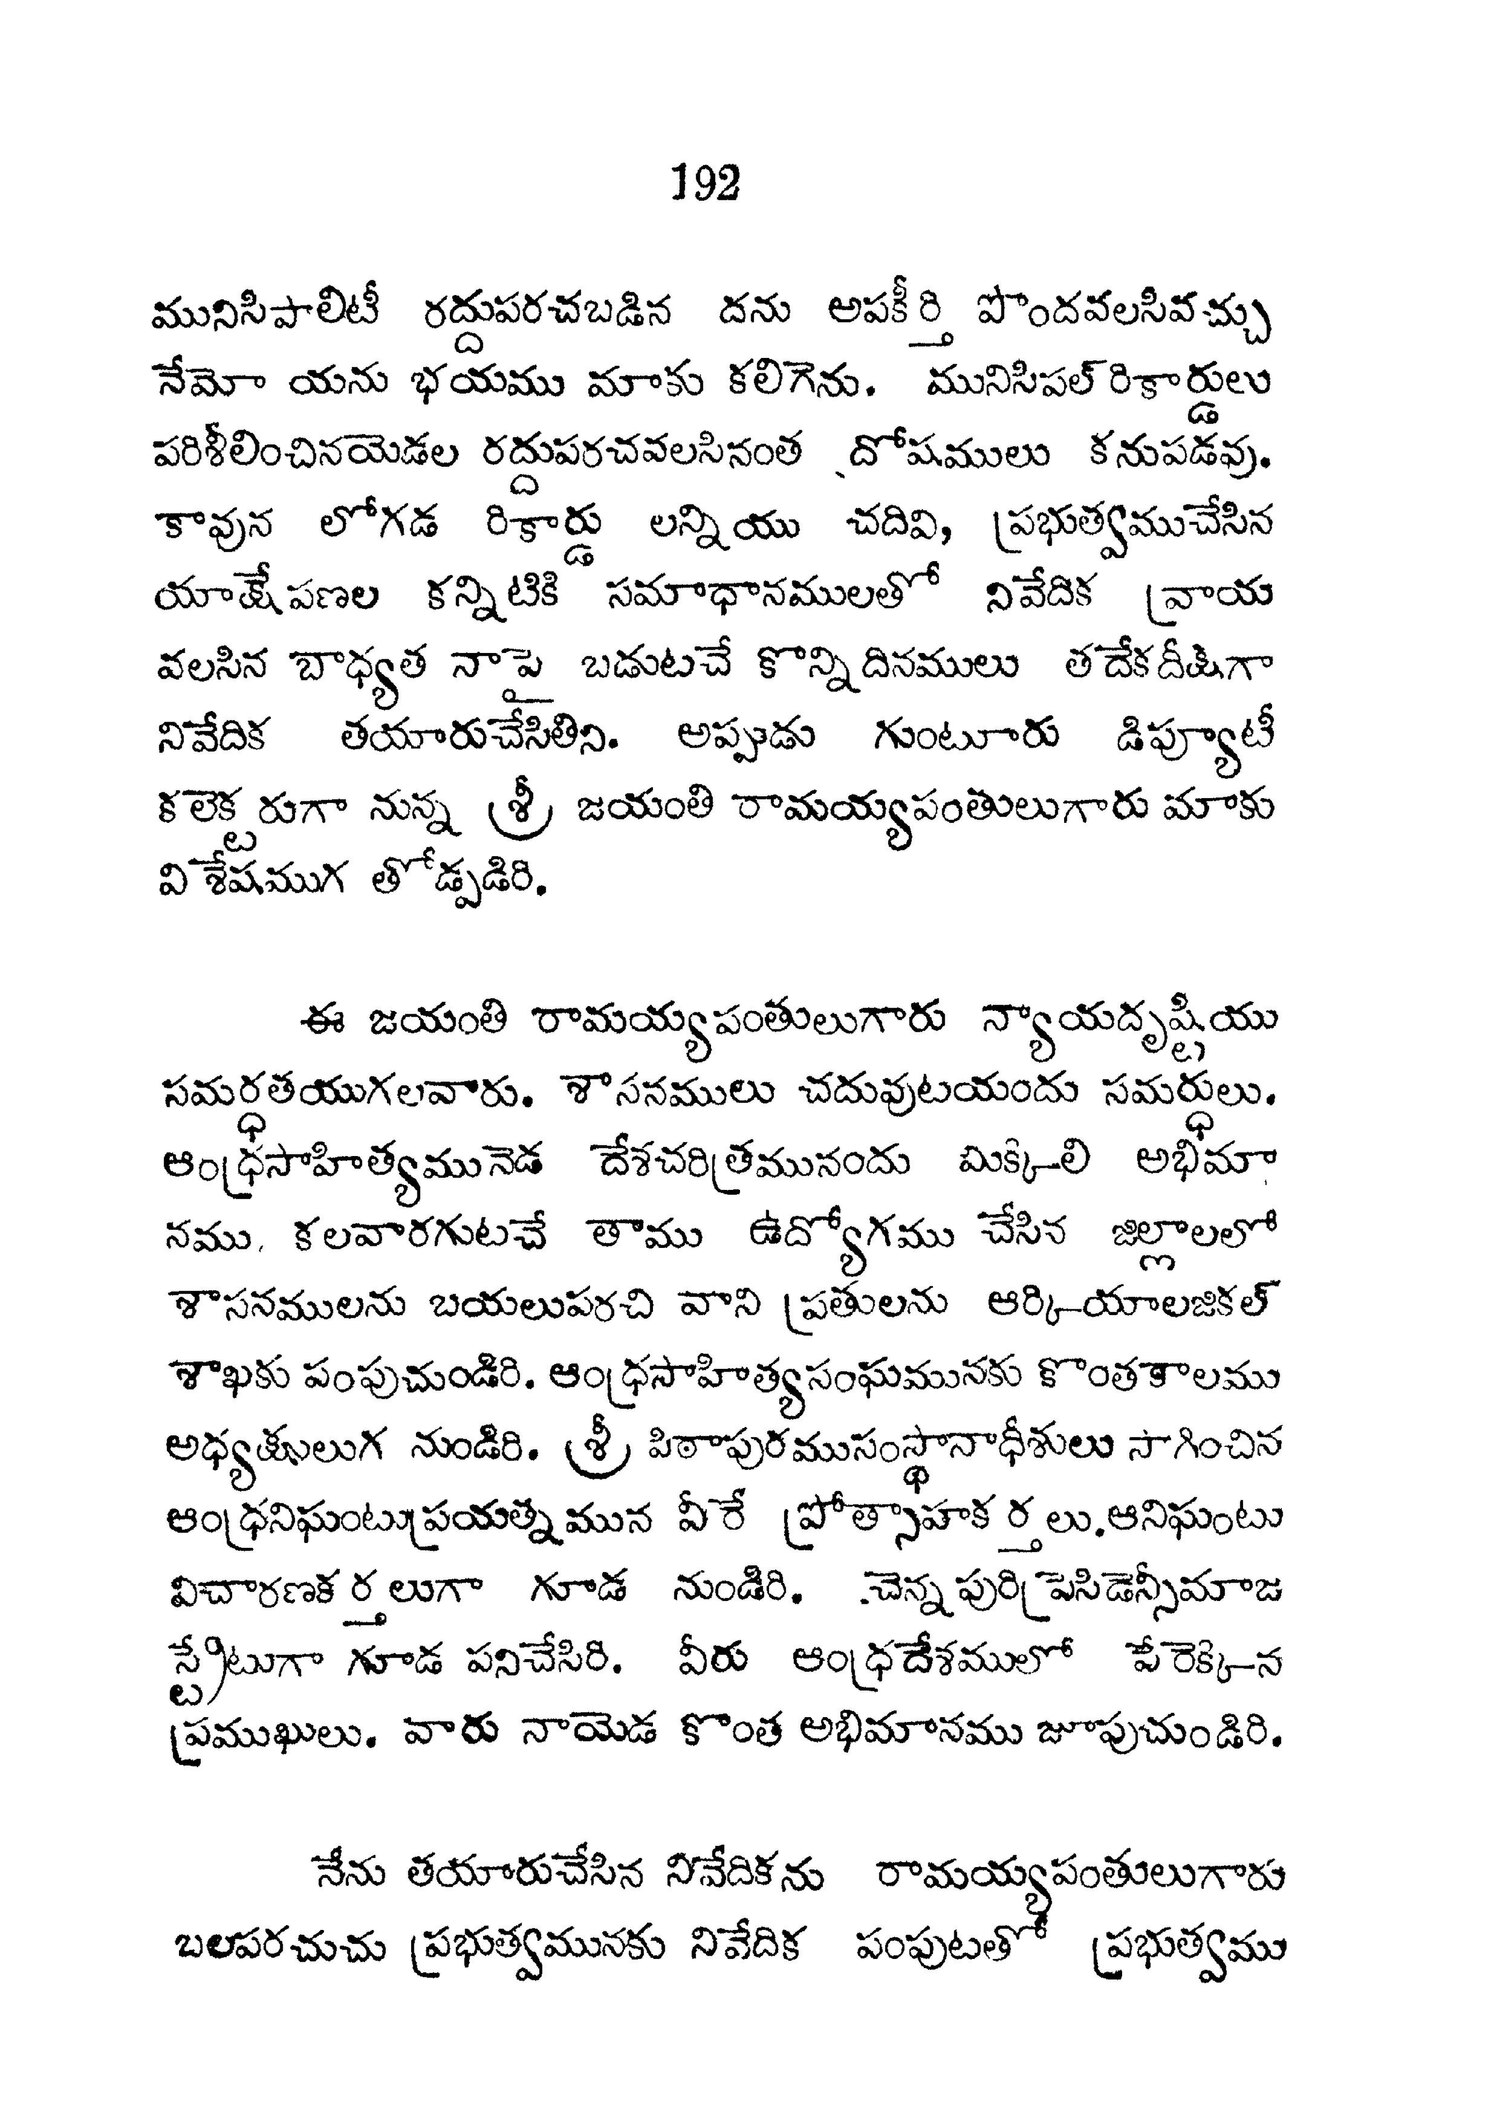మునిసిపాలిటీ రద్దుపరచబడిన దను అపకీర్తి పొందవలసివచ్చునేమో యను భయము మాకు కలిగెను. మునిసిపల్‌రికార్డులు పరిశీలించినయెడల రద్దుపరచవలసినంత దోషములు కనుపడవు. కావున లోగడ రికార్డు లన్నియు చదివి, ప్రభుత్వముచేసిన యాక్షేపణల కన్నిటికి సమాధానములతో నివేదిక వ్రాయవలసిన బాధ్యత నాపై బడుటచే కొన్నిదినములు తదేకదీక్షగా నివేదిక తయారుచేసితిని. అప్పుడు గుంటూరు డిప్యూటీ కలెక్టరుగా నున్న శ్రీ జయంతి రామయ్యపంతులుగారు మాకు విశేషముగ తోడ్పడిరి.

ఈ జయంతి రామయ్యపంతులుగారు న్యాయదృష్టియు సమర్ధతయుగలవారు. శాసనములు చదువుటయందు సమర్ధులు. ఆంధ్రసాహిత్యమునెడ దేశచరిత్రమునందు మిక్కిలి అభిమానము కలవారగుటచే తాము ఉద్యోగము చేసిన జిల్లాలలో శాసనములను బయలుపరచి వాని ప్రతులను ఆర్కియాలజికల్ శాఖకు పంపుచుండిరి. ఆంధ్రసాహిత్యసంఘమునకు కొంతకాలము అధ్యక్షులుగ నుండిరి. శ్రీ పిఠాపురముసంస్థానాధీశులు సాగించిన ఆంధ్రనిఘంటుప్రయత్నమున వీరే ప్రోత్సాహకర్తలు. ఆనిఘంటు విచారణకర్తలుగా గూడ నుండిరి. చెన్నపురిప్రెసిడెన్సీమాజస్ట్రేటుగా గూడ పనిచేసిరి. వీరు ఆంధ్రదేశములో పేరెక్కిన ప్రముఖులు. వారు నాయెడ కొంత అభిమానము జూపుచుందిరి.

నేను తయారుచేసిన నివేదికను రామయ్యపంతులుగారు బలపరచుచు ప్రభుత్వమునకు నివేదిక పంపుటతో ప్రభుత్వము